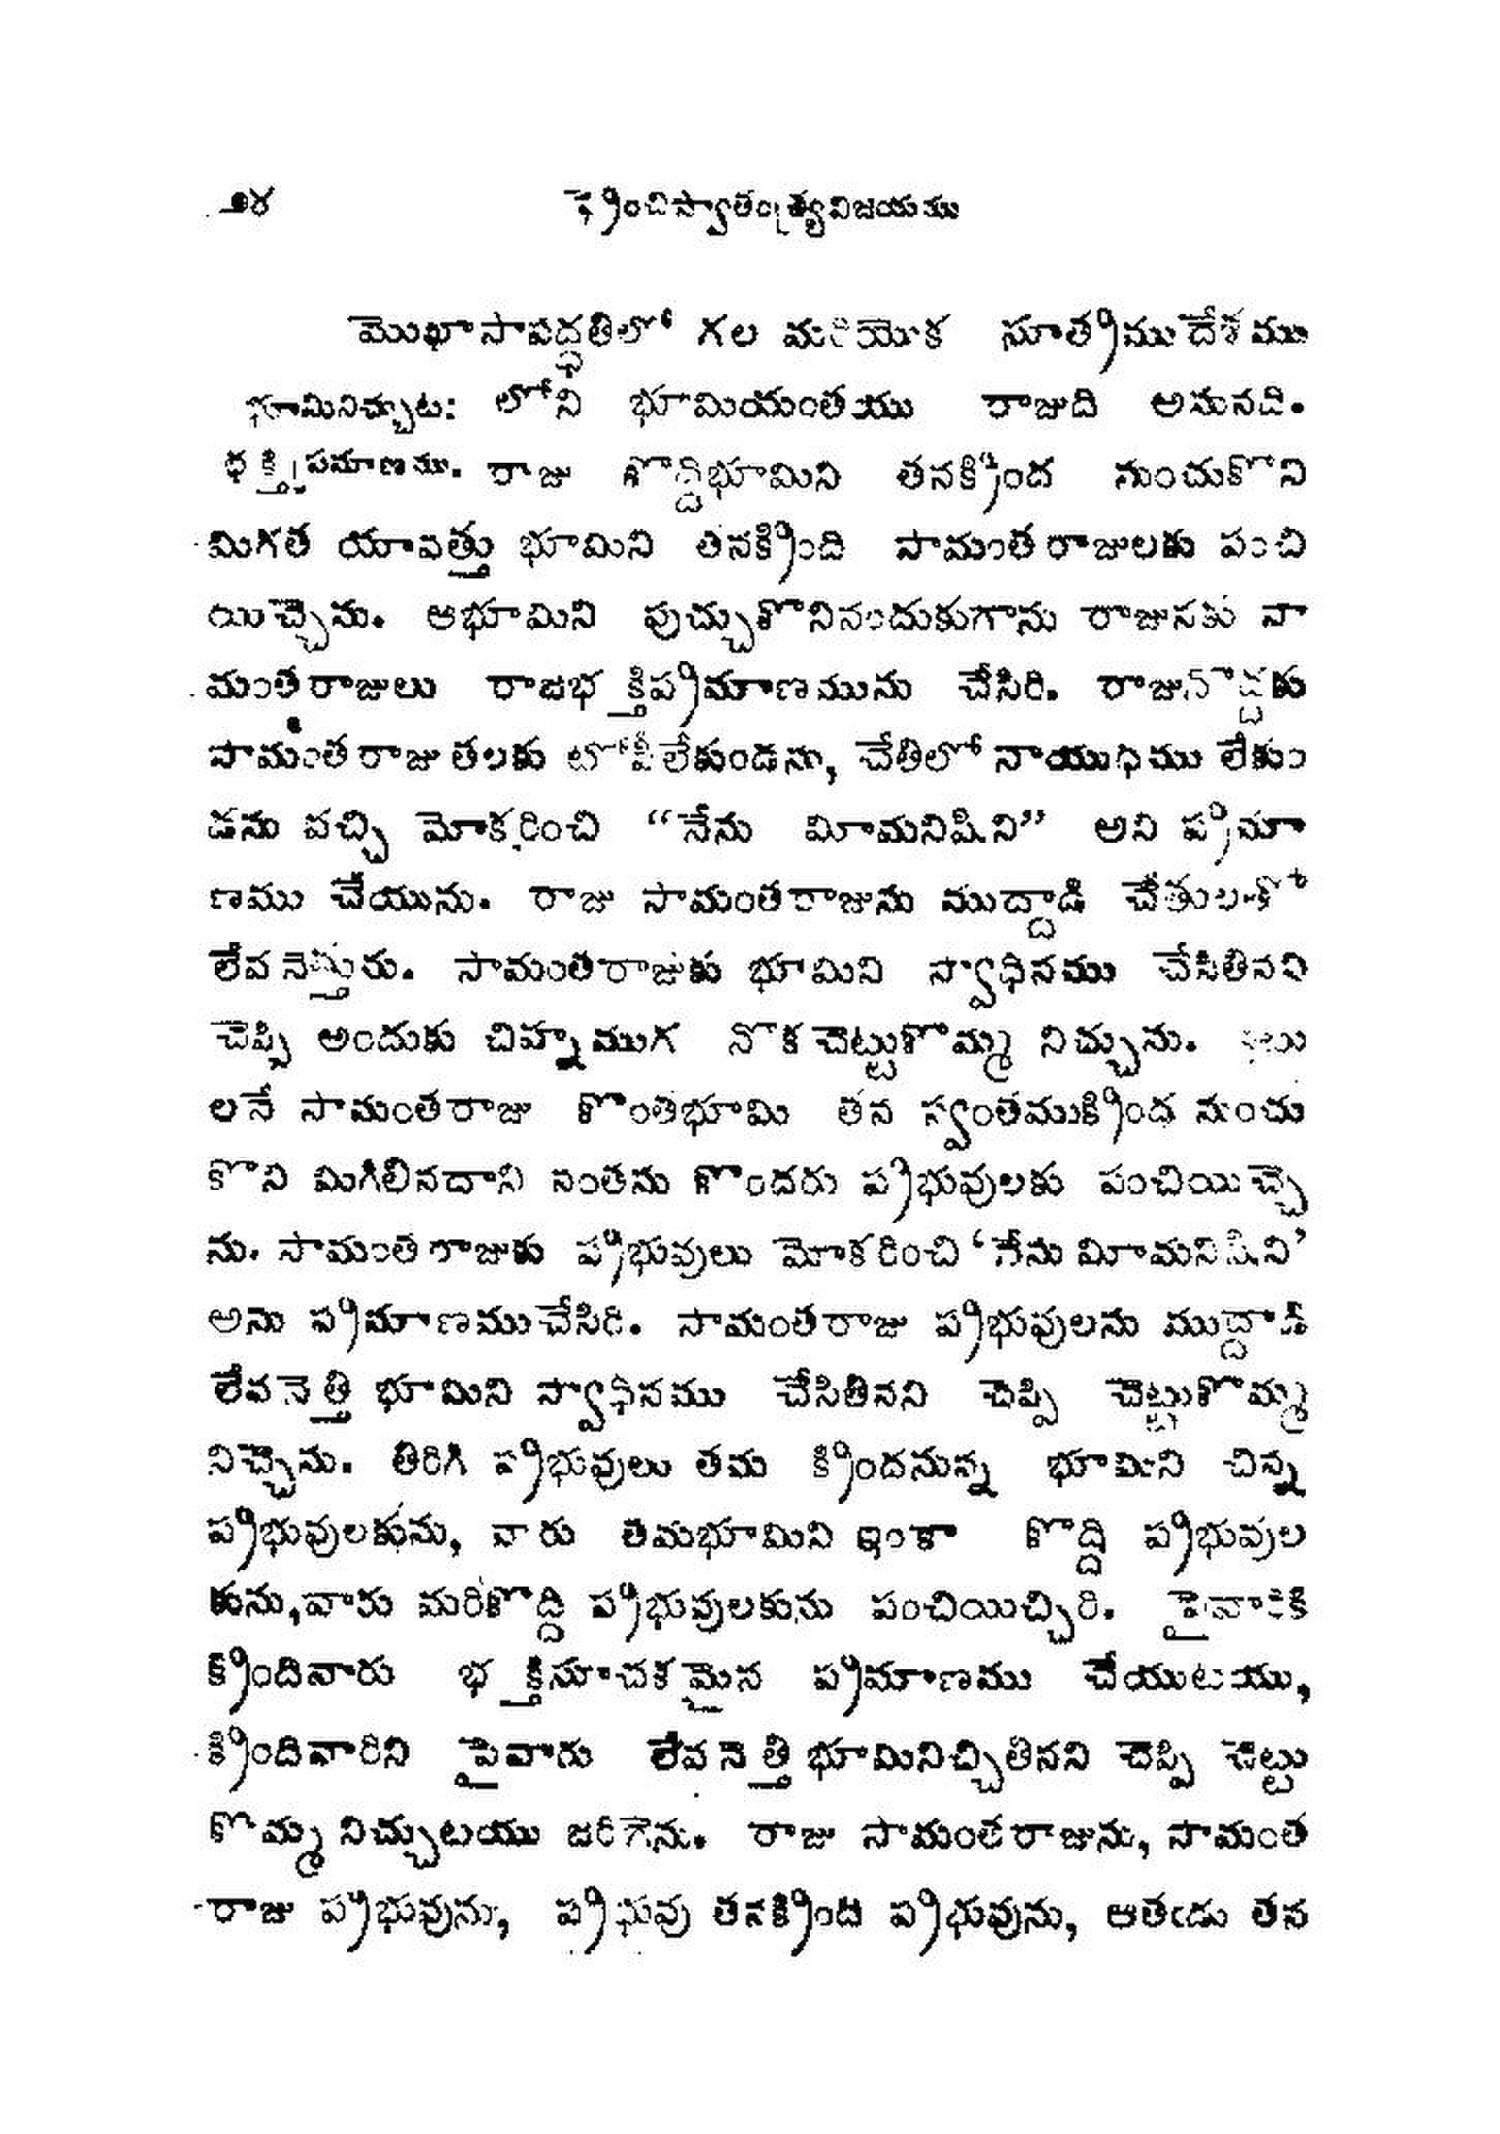మొఖాసా పద్ధతిలో గల మరియొక సూత్రము దేశము
లోని భూమియంతయు రాజుది అనునది.. రాజు కొద్ది భూమిని తనక్రింద నుంచుకొని
మిగత యావత్తు భూమిని తినకింది సామంత రాజులకుపంచి
యిచ్చెను. అభూమిని పుచ్చుకొనినందుకుగాను రాజునకు సా
మంత రాజులు రాజభ క్తిప్రమాణమును చేసిరి. రాజు వొద్దకు
సామంత రాజు తలకు టోపిలేకుండసూ, చేతిలో నాయుధము లేకుం
డసు వచ్చి మోకరించి " నేను మీమనిషిని” అని ప్రమాణ
ము చేయును. రాజు సామంత రాజును ముద్దాడి చేతులతో
లేవ నెత్తును. సామంత రాజుకు భూమిని స్వాధీనము చేసితినని
చెప్పి అందుకు చిహ్నముగ నొక చెట్టుకొమ్మ నిచ్చును. అటు
లనే సామంత రాజు కొంతభూమిని తన స్వంతముక్రింద నుంచు
కొని మిగిలినదానిని నంతను కొందరు ప్రభువులకు పంచియిచ్చె
ను. సామంత రాజుకు ప్రభువులు మోకరించి 'నేను మీమనిషిని'
అను ప్రసూణము చేసిరి. సామంత రాజు ప్రభువులను ముద్దాడి
లేవ నెత్తి భూమిని స్వాధీనము చేసితినని చెప్పి చెట్టు కొమ్మ
నిచ్చెను. తిరిగి ప్రభువులు తమ కిందనున్న భూమిని చిన్న
ప్రభువులకును, వారు తమభూమిని ఇంకా కొద్ది ప్రభువుల
కును, వారు మరికొద్ది ప్రభువులకును పంచియిచ్చిరి. పైవారికి
క్రిందివారు భక్తి సూచకమైన ప్రమాణము చేయుటయు,
క్రింది వారిని పైవారు లేవనెత్తీ భూమినిచ్చితినని చెప్పి చెట్టు
కొమ్మ నిచ్చుటయు జరిగెను. రాజు సామంత రాజును, సామంత
రాజు ప్రభువును, ప్రభువు తన కింది ప్రభువును, ఆతఁడు తన